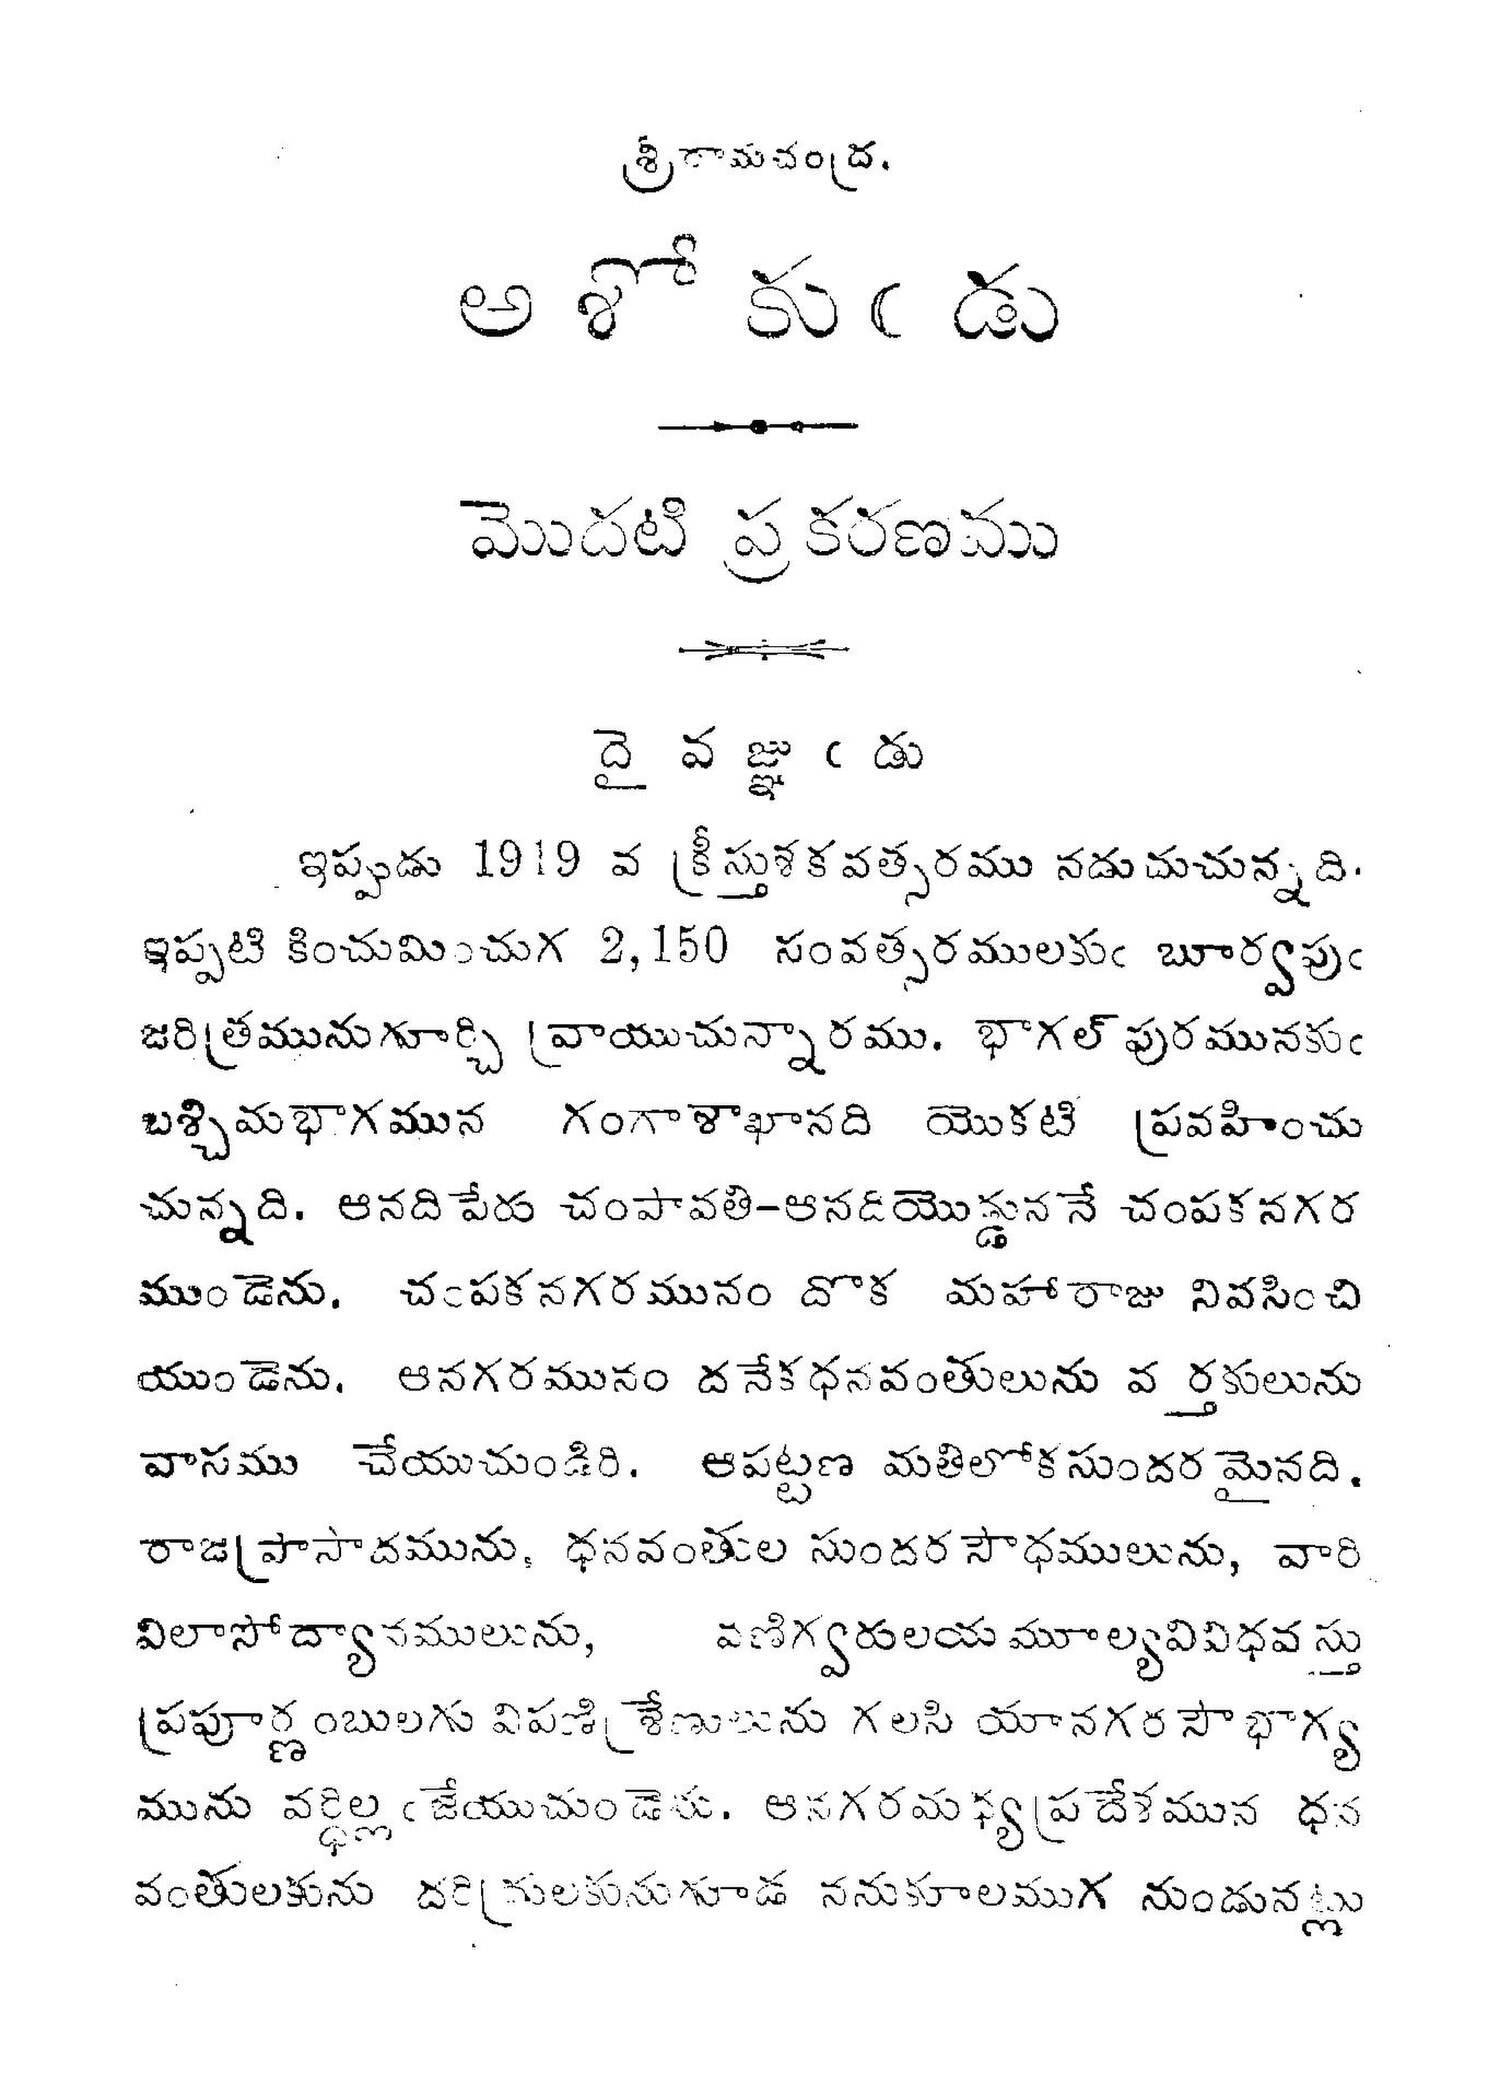శ్రీరామచంద్ర.
అశోకుఁడు
మొదటి ప్రకరణము
దైవజ్ఞుఁడు

ఇప్పుడు 1919 వ క్రీస్తుశకవత్సరము నడుచుచున్నది. ఇప్పటి కించుమించుగ 2,150 సంవత్సరములకుఁ బూర్వపు చరిత్రమునుగూర్చి వ్రాయుచున్నారము. భాగల్ పురమునకు
పశ్చిమభాగమున గంగాశాఖానది యొకటి ప్రవహించుచున్నది. ఆనదిపేరు చంపావతి-ఆనదియొడ్డుననే చంపకనగర ముండెను. చంపకనగరమునం దొక మహారాజు నివసించి
యుండెను. ఆనగరమునం దనేకధనవంతులును వర్తకులును నివాసము చేయుచుండిరి. ఆపట్టణ మతిలోకసుందరమైనది. రాజప్రాసాదమును, ధనవంతుల సుందరసౌధములును, వారి 
విలాసోద్యానములును, వణిగ్వరులయమూల్యవివిధవస్తు ప్రపూర్ణంబులగు విపణి! శ్రేణులును గలసి యానగర సౌభాగ్య